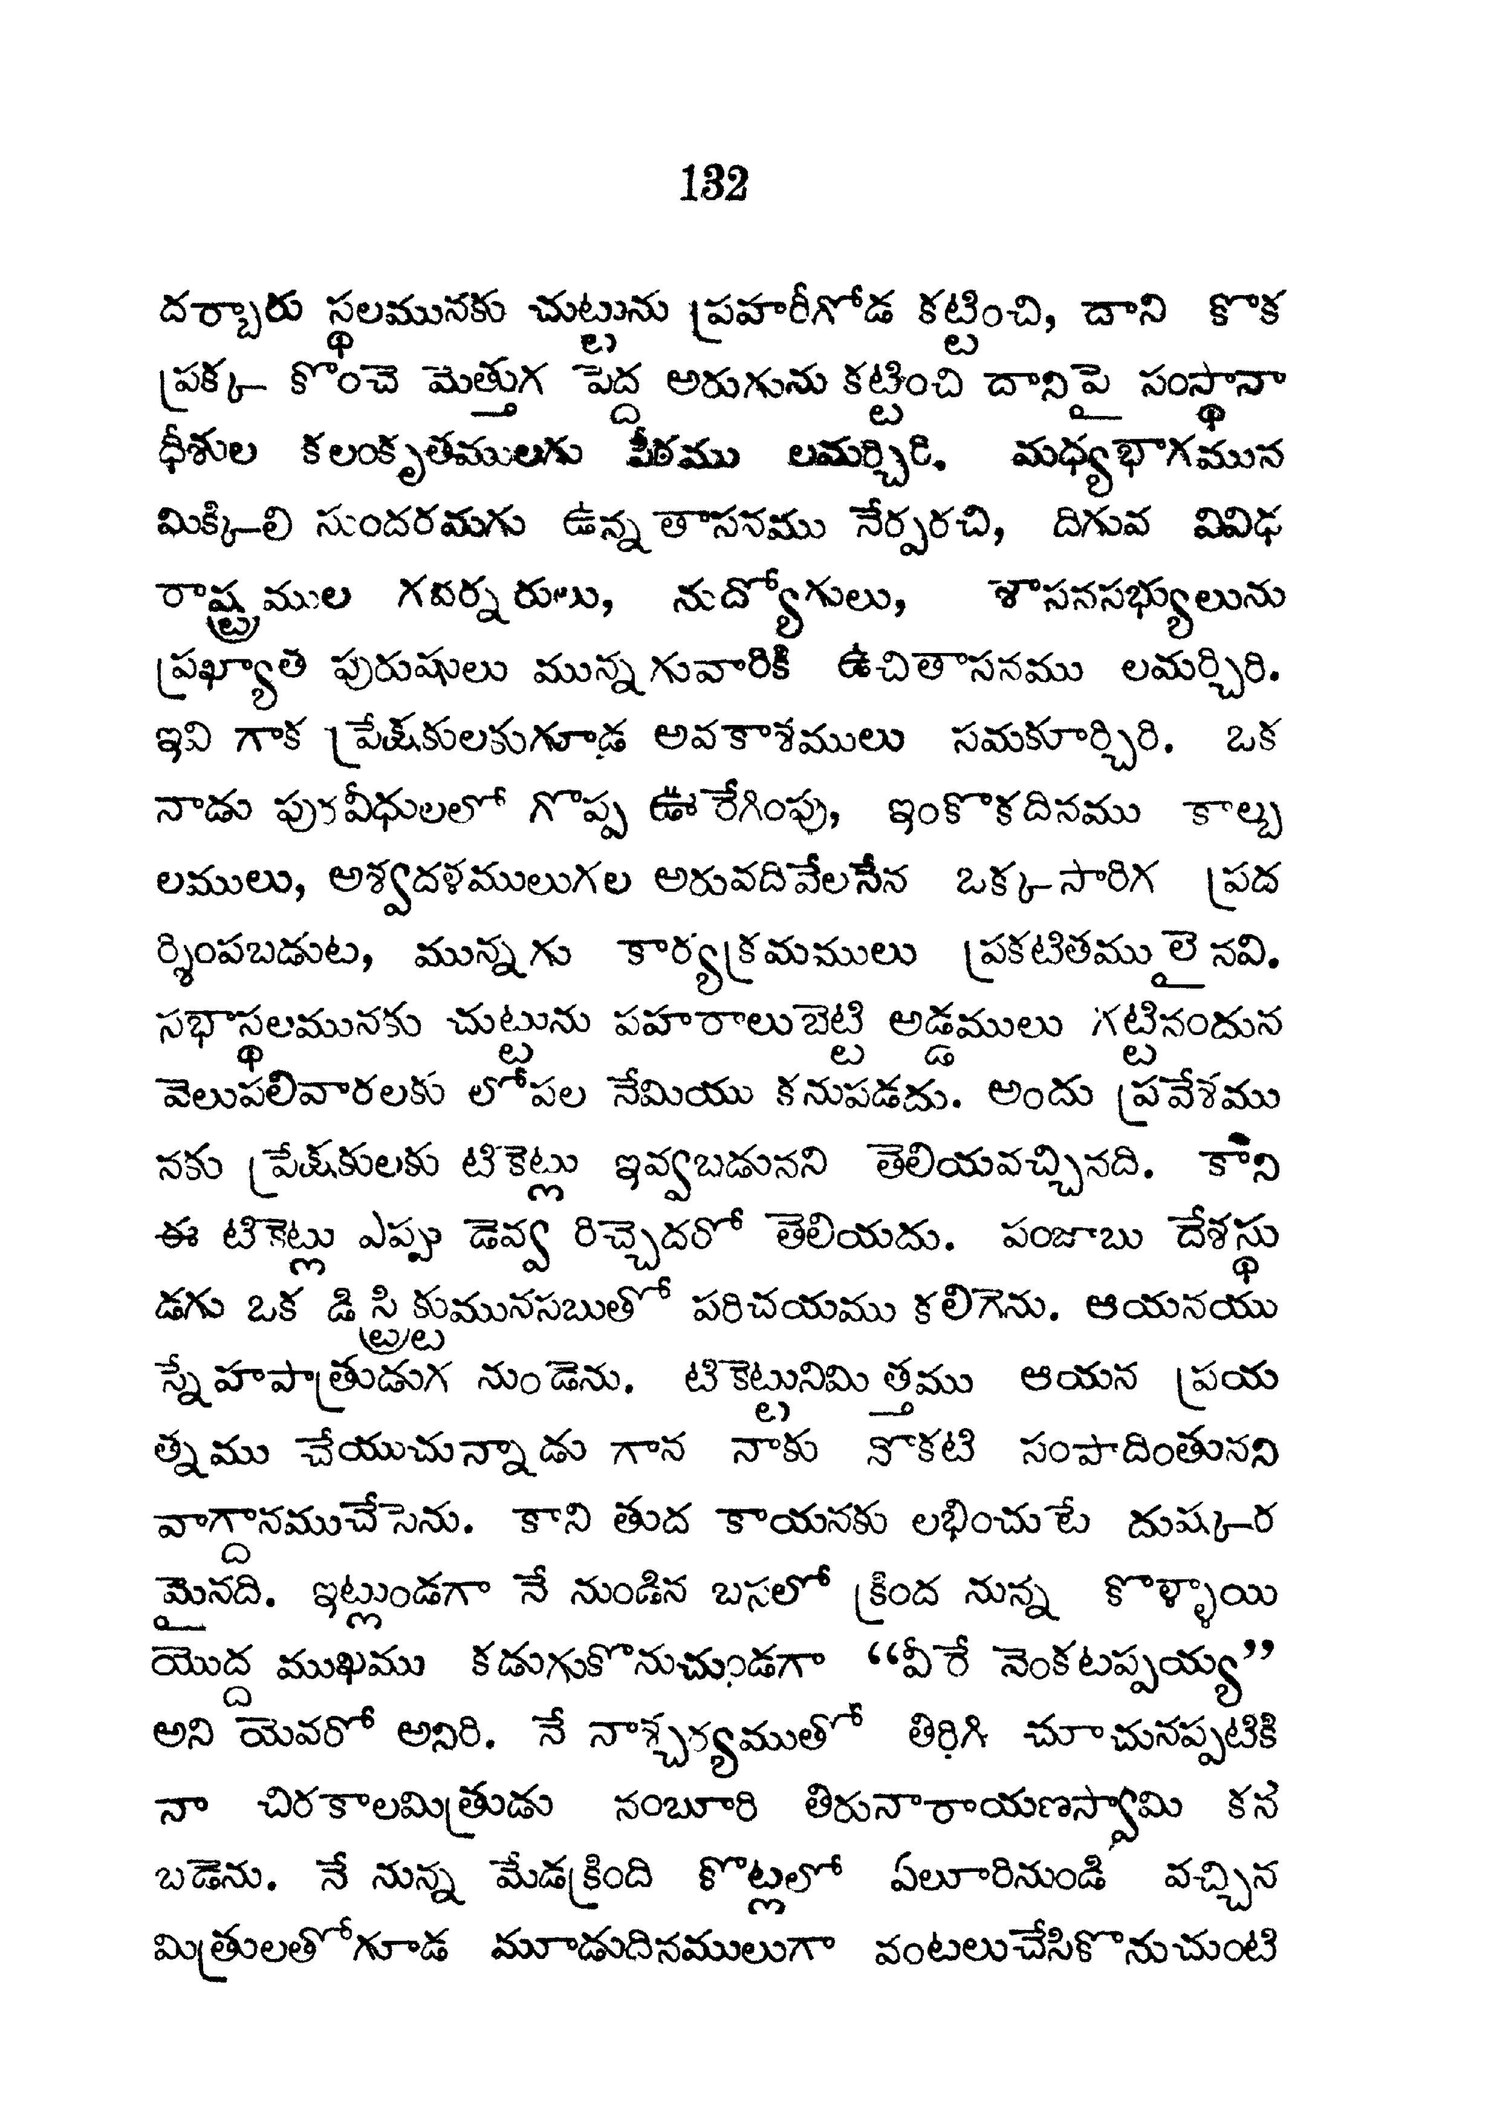దర్బారు స్థలమునకు చుట్టును ప్రహరీగోడ కట్టించి, దాని కొకప్రక్క కొంచె మెత్తుగ పెద్ద అరుగును కట్టించి దానిపై సంస్థానాధీశుల కలంకృతములగు పీఠము లమర్చిరి. మధ్యభాగమున మిక్కిలి సుందరమగు ఉన్నతాసనము నేర్పరచి, దిగువ వివిధ రాష్ట్రముల గవర్నరులు, నుద్యోగులు, శాసనసభ్యులును ప్రఖ్యాతి పురుషులు మున్నగువారికి ఉచితాసనము లమర్చిరి. ఇవి గాక ప్రేక్షకులకుగూడ అవకాశములు సమకూర్చిరి. ఒకనాడు పురవీధులలో గొప్ప ఊరేగింపు, ఇంకొకదినము కాల్బలములు, అశ్వదళములుగల అరువదివేలసేన ఒక్కసారిగ ప్రదర్శింపబడుట, మున్నగు కార్యక్రమములు ప్రకటితములైనవి. సభాస్థలమునకు చుట్టును పహరాలుబెట్టి అడ్డములు గట్టినందున వెలుపలివారలకు లోపల నేమియు కనుపడదు. అందు ప్రవేశమునకు ప్రేక్షకులకు టిక్కెట్లు ఇవ్వబడునని తెలియవచ్చినది. కాని ఈ టిక్కెట్లు ఎప్పు డెవ్వ రిచ్చెదరో తెలియదు. పంజాబు దేశస్థుడగు ఒక డిస్ట్రిక్టుమునసబుతో పరిచయము కలిగెను. ఆయనయు స్నేహపాత్రుడుగ నుండెను. టిక్కెట్టునిమిత్తము ఆయన ప్రయత్నము చేయుచున్నాడు గాన నాకు నొకటి సంపాదింతునని వాగ్దానముచేసెను. కాని తుద కాయనకు లభించుటచే దుష్కరమైనది. ఇట్లుండగా నే నుండిన బసలో క్రింద నున్న కొళ్ళాయి యొద్ద ముఖము కడుగుకొనుచుండగా "వీరే వెంకటప్పయ్య" అని యెవరో అనిరి. నే నాశ్చర్యముతో తిరిగి చూచునప్పటికి నా చిరకాలమిత్రుడు నంబూరి తిరునారాయణస్వామి కనబడెను. నే నున్న మేడక్రింది కొట్లలో ఏలూరినుండి వచ్చిన మిత్రులతోగూడ మూడుదినములుగా వంటలుచేసికొనుచుంటి